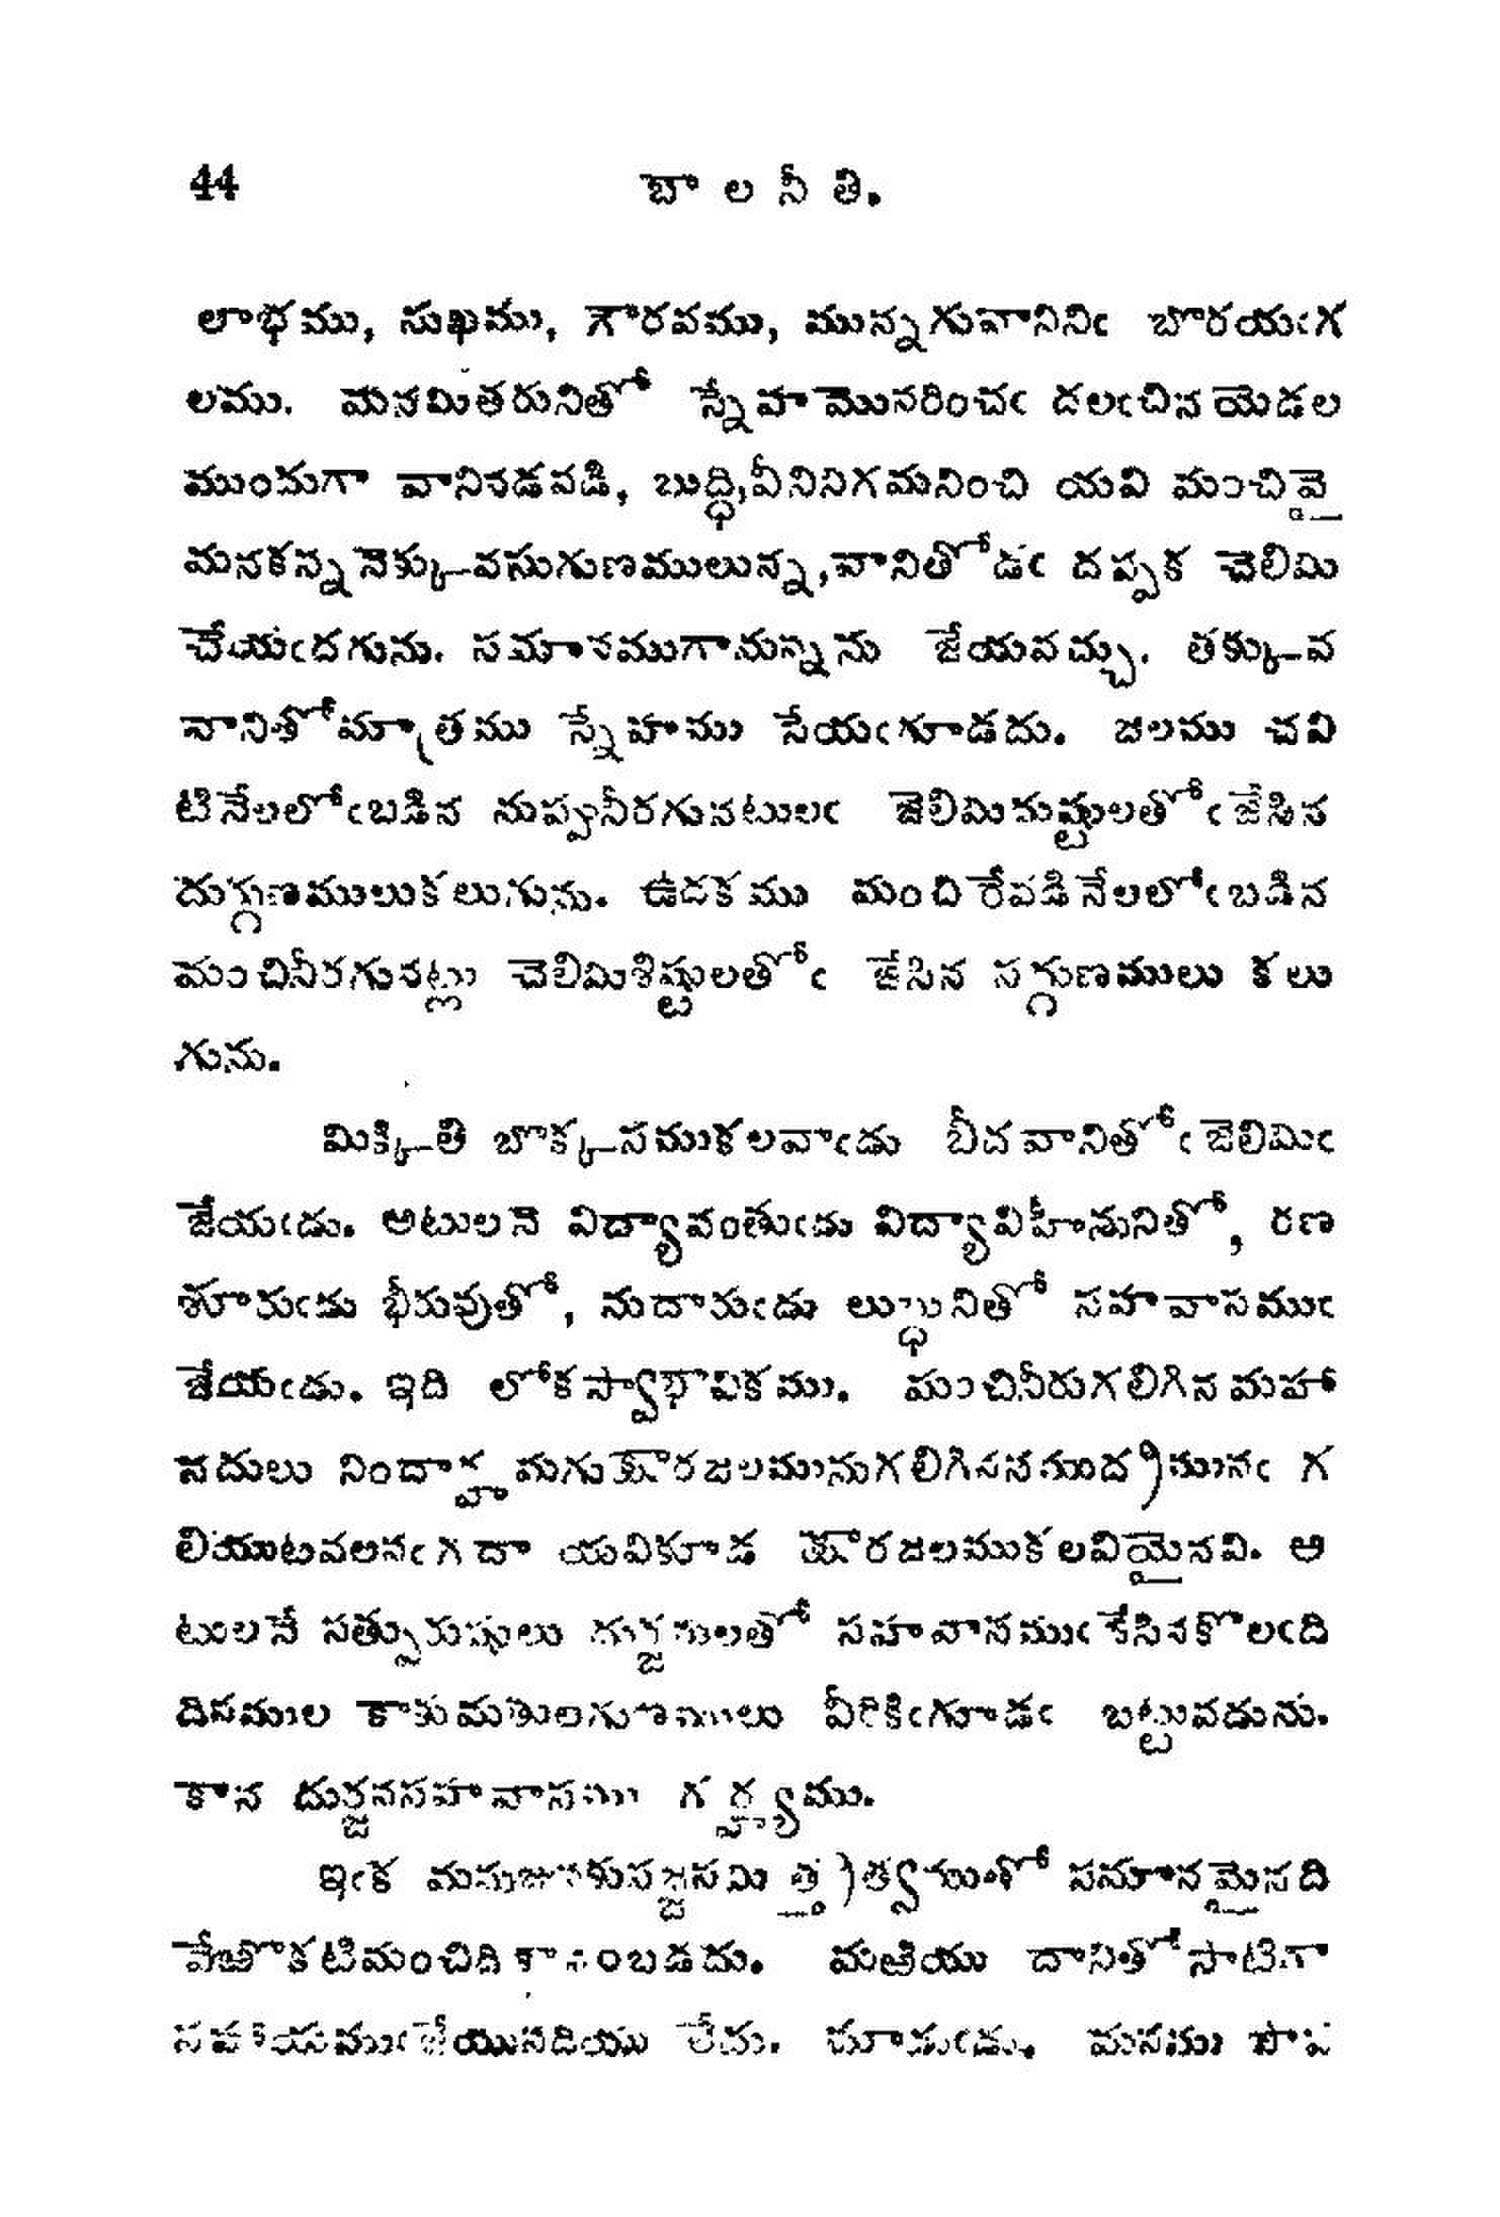లాభము, సుఖము, గౌరవము, మున్నగువానినిఁ బొరయఁగ
లము. మనమితరునితో స్నేహమొనరించఁ దలఁచినయెడల 
ముందుగా వానినడవడి, బుద్ధి, వీనిని గమనించి యవి మంచివై
మనకన్ననెక్కువ సుగుణములున్న, వానితోడఁ దప్పక చెలిమి
చేయఁదగును. సమానముగానున్నను జేయవచ్చు తక్కువ
వానితోమాత్రము స్నేహము సేయఁగూడదు. జలము చవి
టినేలలోఁబడిన నుప్పునీరగునటులఁ జెలిమిదుష్టులతోఁజేసిన 
దుర్గుణములుకలుగును. ఉదకము మంచిరేవడినేలలోఁబడిన 
మంచినీరగునట్లు చెలిమిశిష్టులతోఁ జేసిన సద్గుణములు కలు
గును.

మిక్కిలి బొక్కసముకలవాఁడు బీదవానితోఁజెలిమిఁ 
జేయఁడు. అటులనె విద్యావంతుఁడు విద్యావిహీనునితో, రణ
శూరుఁడు భీరువుతో, నుదారుఁడు లుబ్ధునితో సహవాసముఁ 
జేయఁడు. ఇది లోకస్వాభావికము. మంచినీరుగలిగినమహా
నదులు నిందార్హమగు క్షారజలమునుగలిగిన సముద్రమునఁ గ
లియుటవలనఁ గదా యవికూడా క్షారజలముకలవియైనవి. అ
టులనే సత్పురుషులు దుర్జనులతో సహవాసముఁజేసినకొలఁది 
దినముల కాకుమతులగుణములు వీరికిఁగూడఁ బట్టువడును. 
కాన దుర్జనసహవాసము గర్హ్యము.

ఇఁక మనుజునకుసజ్జనమిత్రత్వముతో సమానమైనది 
వేఱొకటిమంచిదికానంబడదు. మఱియు దానితోసాటిగా 
సహాయముఁజేయునదియు లేదు. చూడుఁడు, మనము పాప